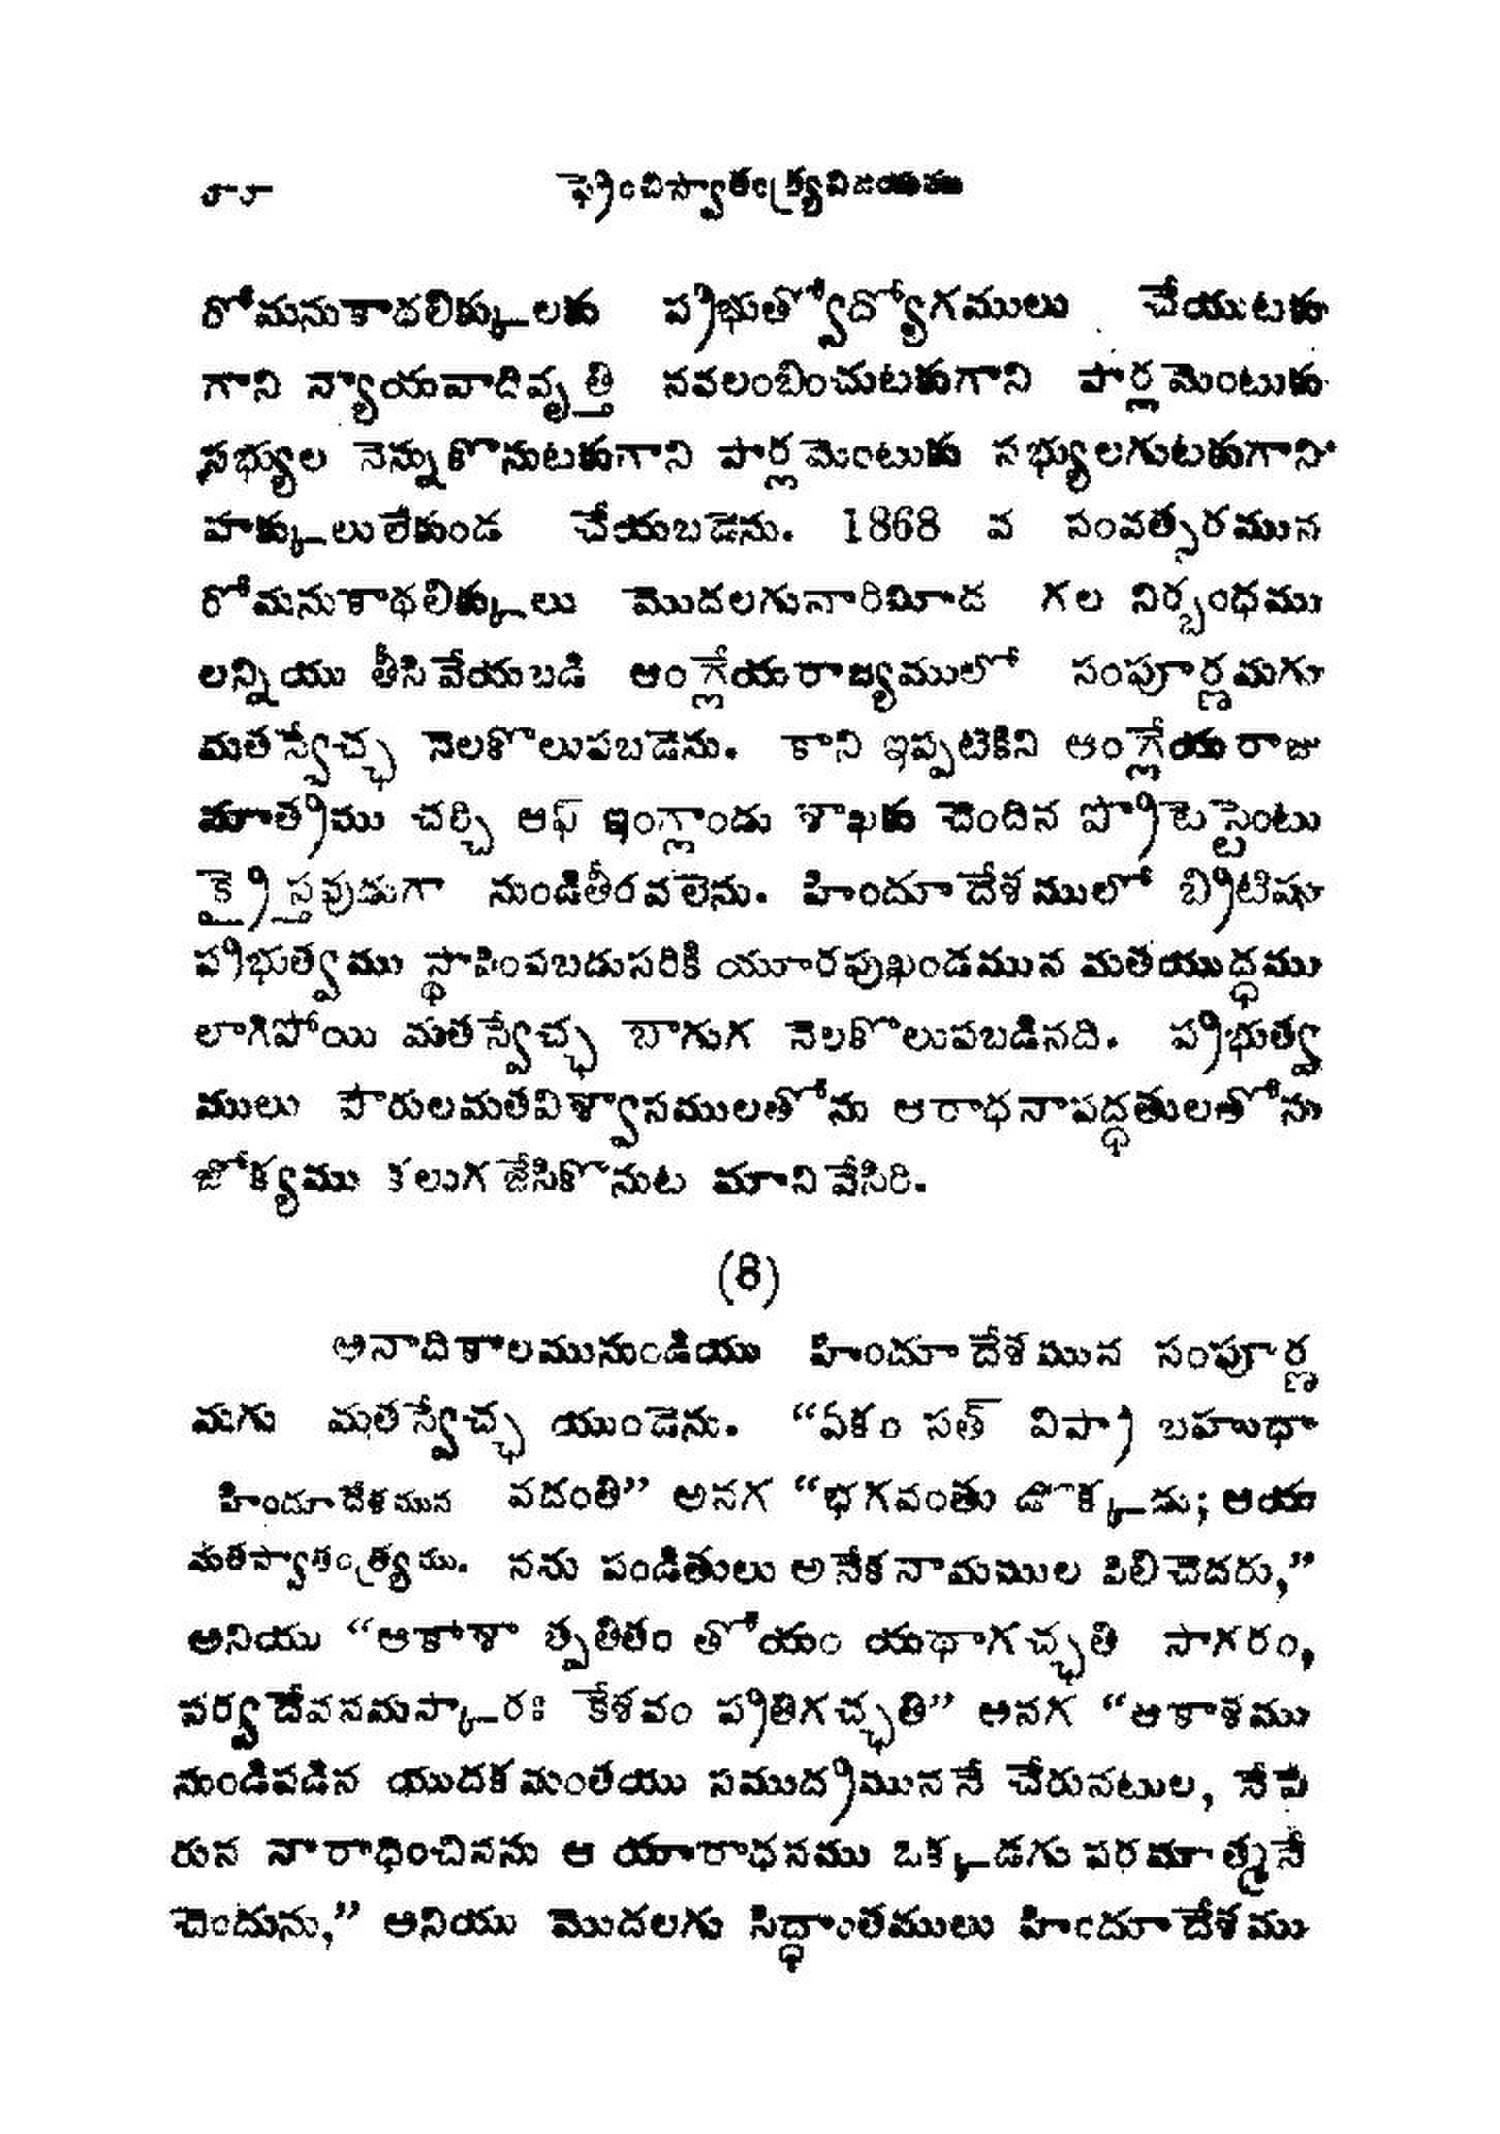రోమను కాథలిక్కులకు ప్రభుత్వోద్యోగములు , చేయుటకు
గాని న్యాయవాది వృత్తి నవలంబించుటకుగాని పార్లమెంటుకు
సభ్యుల నెస్ను కొనుటకుగాని పార్లమెంటుకు సభ్యులగుటకు గాని"
హక్కులు లేకుండ చేయబడెను. 1868 వ సంవత్సరమున
రోమనుకాథలిక్కులు మొదలగువారిమీద గల నిర్బంధము
లన్నియు తీసి వేయబడి ఆంగ్లేయ రాజ్యములో సంపూర్ణ మగు
మత స్వేచ్ఛ నెలకొలు పబడెను. కాని ఇప్పటికిని ఆంగ్లేయ రాజు
మాత్రము చర్చి ఆఫ్ ఇంగ్లాండు శాఖకు చెందిన ప్రొటెస్టెంటు
క్రైస్తవుడుగా నుండి తీరవలెను. హిందూ దేశములో బ్రిటిషు
ప్రభుత్వము స్థాపించబడుసరికి యూరపుఖండమున మత యుద్ధము
లాగిపోయి మత స్వేచ్ఛ బాగుగ నెలకొలుప బడినది. ప్రభుత్వ
ములు పౌరులమత విశ్వాసములతోను ఆరాధనా పద్ధతులతోను
జోక్యము కలుగ జేసికొనుట మాని వేసిరి.

హిందూ దేశమున
మతస్వాతంత్రము

ఆనాది కాలమునుండియు హిందూ దేశమున సంపూర్ణ
మగు మత స్వేచ్ఛ యుండెను. “ఏకం సత్ విప్రా బహుధా
వదంతి” అనగ "భగవంతు డొక్కడు; ఆయనను పండితులు 
అనేక నామముల పిలిచెదరు," అనియు “ఆకాశా త్పతితం తోయం 
యథాగచ్ఛతి సాగరం,సర్వదేవ సమస్కారః కేశవం ప్రతిగచ్ఛతి”
అనగ "ఆకాశము నుండిపడిన యుదక మంతయు సముద్రమున నే 
చేరునటుల, నేపేరున నారాధించినను ఆ యారాధనము ఒక్కడగు పరమాత్మనే
చెందును,” అనియు మొదలగు సిద్ధాంతములు హిఁదూదేశము